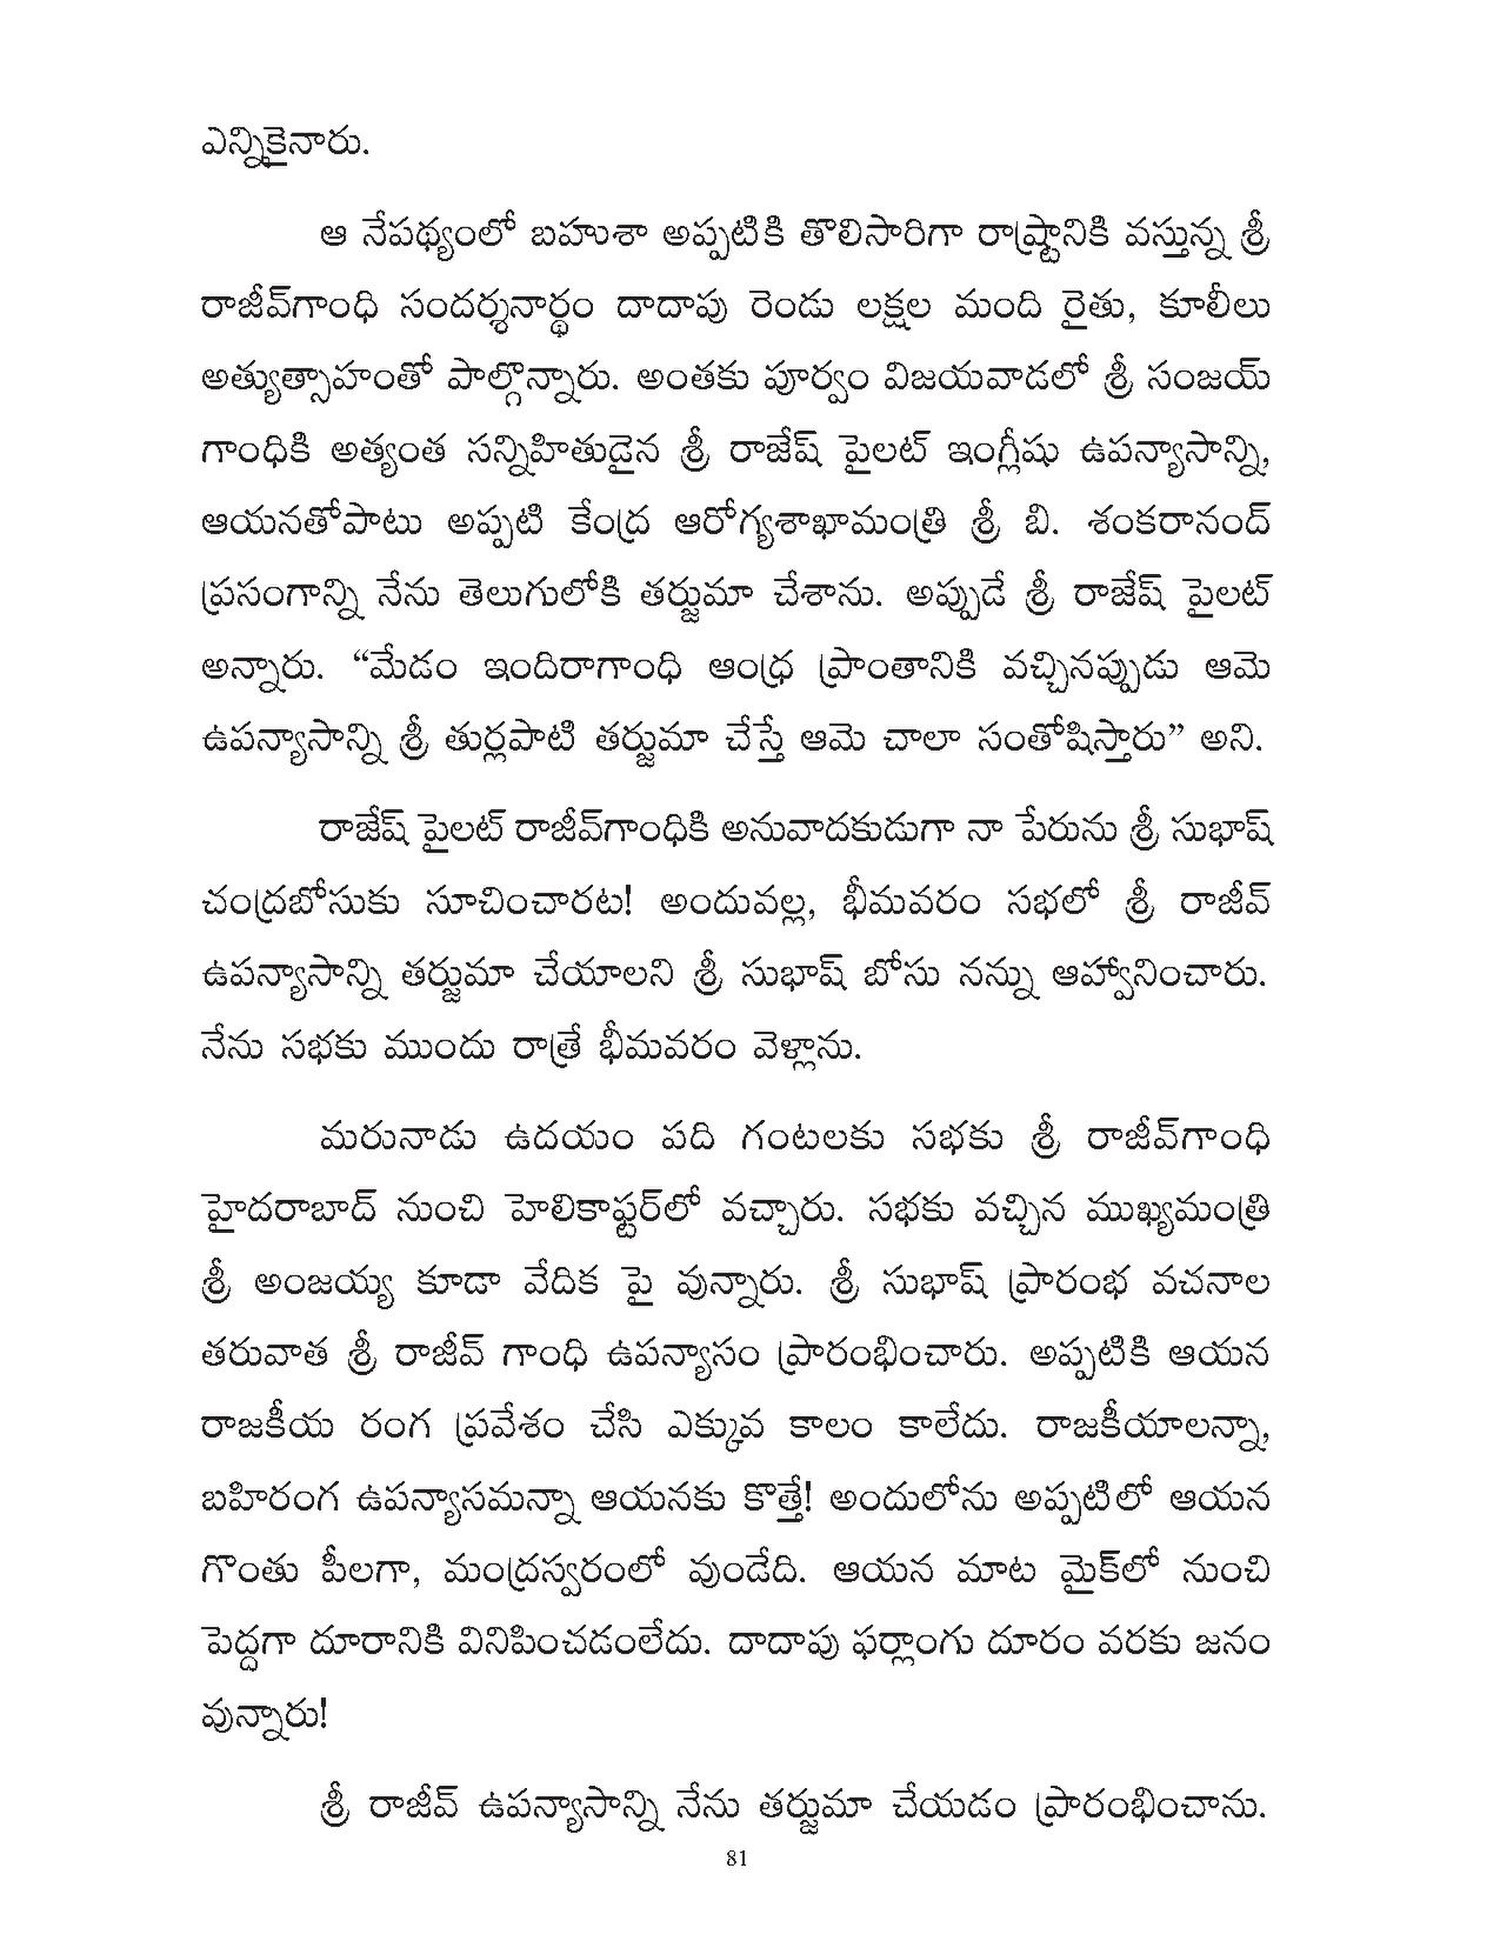ఎన్నికైనారు.

ఆ నేపథ్యంలో బహుశా అప్పటికి తొలిసారిగా రాష్ట్రానికి వస్తున్న శ్రీ
రాజీవ్‌గాంధి సందర్శనార్థం దాదాపు రెండు లక్షల మంది రైతు, కూలీలు
అత్యుత్సాహంతో పాల్గొన్నారు. అంతకు పూర్వం విజయవాడలో శ్రీ సంజయ్ 
గాంధికి అత్యంత సన్నిహితుడైన శ్రీ రాజేష్‌ పైలట్‌ ఇంగ్లీషు ఉపన్యాసాన్ని,
ఆయనతోపాటు అప్పటి కేంద్ర ఆరోగ్యశాఖామంత్రి శ్రీ బి. శంకరానంద్‌
ప్రసంగాన్ని నేను తెలుగులోకి తర్జుమా చేశాను. అప్పుడే శ్రీ రాజేష్‌ పైలట్‌
అన్నారు. "మేడం ఇందిరాగాంధి ఆంధ్ర ప్రాంతానికి వచ్చినప్పుడు ఆమె
ఉపన్యాసాన్ని శ్రీ తుర్లపాటి తర్జుమా చేస్తే ఆమె చాలా సంతోషిస్తారు" అని.

రాజేష్‌ పైలట్‌ రాజీవ్‌గాంధికి అనువాదకుడుగా నా పేరును శ్రీ సుభాష్‌
చంద్రబోసుకు సూచించారట! అందువల్ల, భీమవరం సభలో శ్రీ రాజీవ్‌
ఉపన్యాసాన్ని తర్జుమా చేయాలని శ్రీ సుభాష్‌ బోసు నన్ను ఆహ్వానించారు.
నేను సభకు ముందు రాత్రే భీమవరం వెళ్లాను.

మరునాడు ఉదయం పది గంటలకు సభకు శ్రీ రాజీవ్‌గాంధి
హైదరాబాద్‌ నుంచి హెలికాఫ్టర్‌లో వచ్చారు. సభకు వచ్చిన ముఖ్యమంత్రి
శ్రీ అంజయ్య కూడా వేదిక పై వున్నారు. శ్రీ సుభాష్‌ ప్రారంభ వచనాల
తరువాత శ్రీ రాజీవ్‌ గాంధి ఉపన్యాసం ప్రారంభించారు. అప్పటికి ఆయన
రాజకీయ రంగ ప్రవేశం చేసి ఎక్కువ కాలం కాలేదు. రాజకీయాలన్నా,
బహిరంగ ఉపన్యాసమన్నా ఆయనకు కొత్తే! అందులోను అప్పటిలో ఆయన
గొంతు పీలగా, మంద్రస్వరంలో వుండేది. ఆయన మాట మైక్‌లో నుంచి
పెద్దగా దూరానికి వినిపించంలేదు. దాదాపు ఫర్లాంగు దూరం వరకు జనం
వున్నారు!

శ్రీ రాజీవ్‌ ఉపన్యాసాన్ని నేను తర్జుమా చేయడం ప్రారంభించాను.